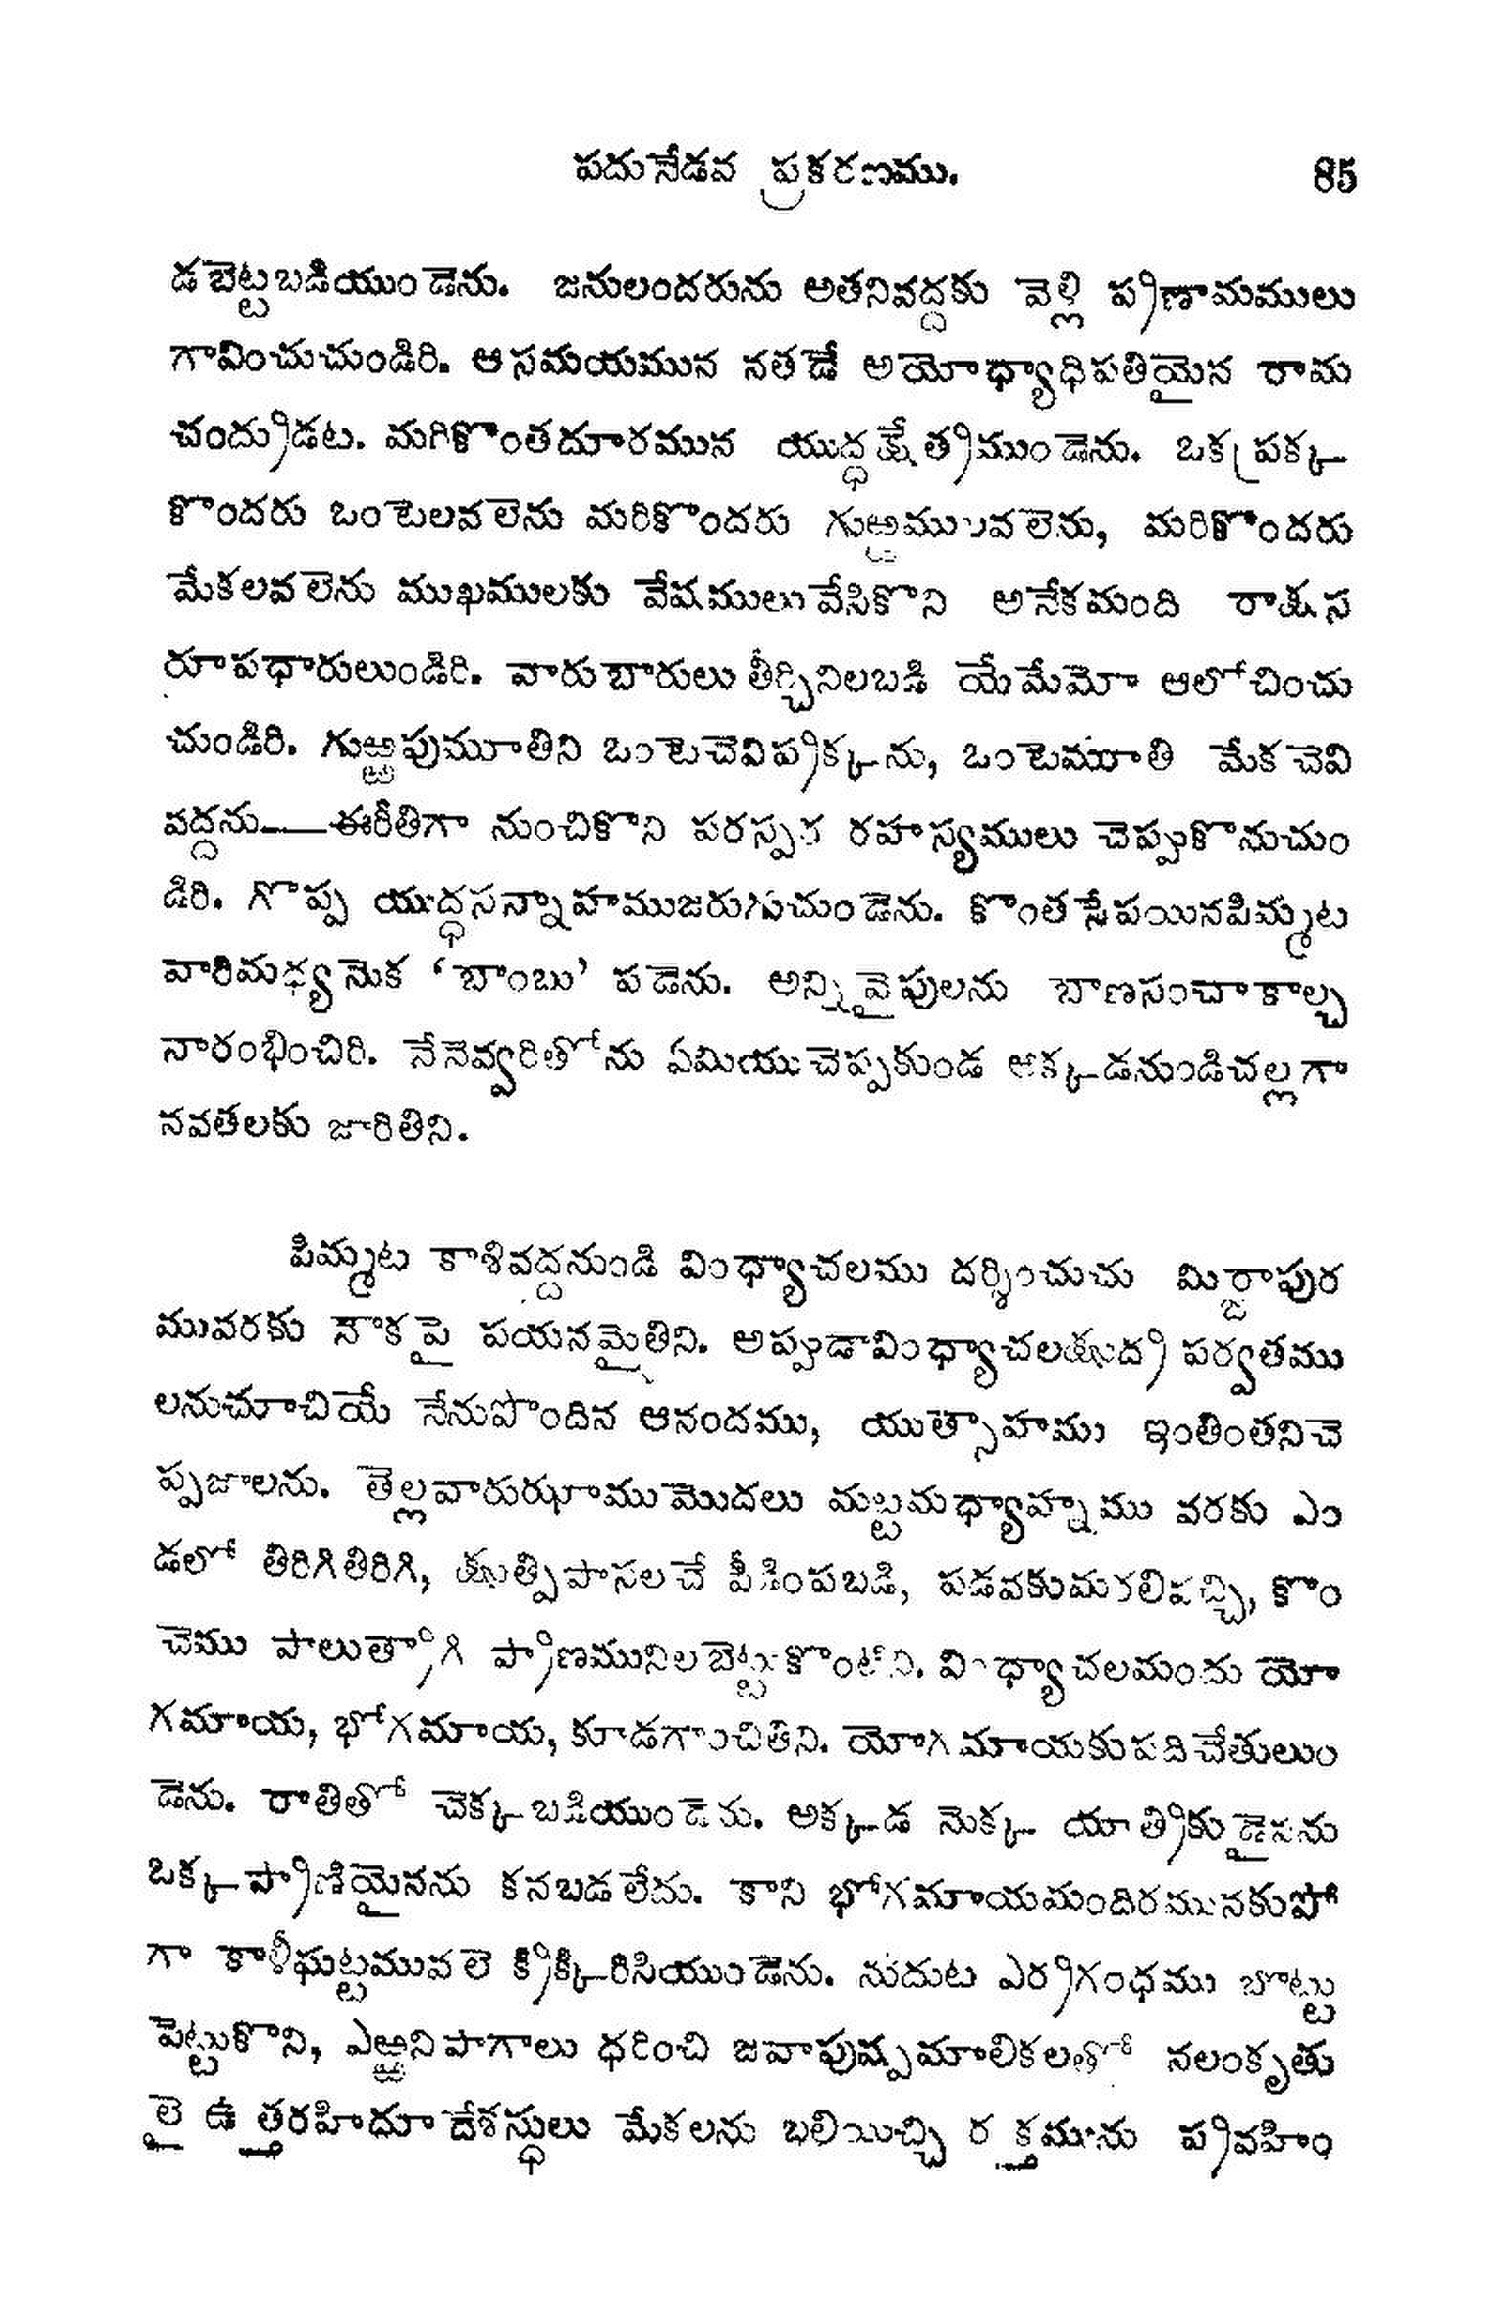డబెట్టబడి యుండెను. జనులందరును అతనివద్దకు వెళ్లి ప్రణామములు
గావించుచుండిరి. ఆ సమయమున నతడే అయోధ్యాధిపతియైన 
రామచంద్రుడట. మరికొంతదూరమున యుద్ధ క్షేత్రముం డెను. ఒక ప్రక్క
కొందరు ఒంటలవలెను మరికొందరు గుఱము వలెను, మరికొందరు
మేకలవలెను ముఖములకు వేషములు వేసికొని అనేకమంది రాక్షస
రూపధారులుండిరి. వారు బారులు తీర్చినిలబడి యేమేమో ఆలోచించు
చుండిరి. గుర్రపుమూతిని ఒంటెచెవిప్రక్కను, ఒంటె మూతి మేక చెవి
పద్దను ఈరీతిగా నుంచికొని పరస్పష రహస్యములు చెప్పుకొనుచుండిరి. 
గొప్ప యుద్ధసన్నాహముజరుగుచుండెను. కొంత సేపయిన పిమ్మట
వారిమధ్య ఒక " బాంబు' పడెను. అన్ని వైపులను బాణసంచా కాల్చ
నారంభించిరి. నేనెవ్వరితోను ఏమియు చెప్పకుండ అక్కడ నుండి చల్లగా
నవతలకు జారితిని.

పిమ్మట కాశి వద్దనుండి వింధ్యాచలము దర్శించుచు మిర్జాపుర
మువరకు నౌకపై పయన మైతిని. అప్పుడా మిధ్యాచల క్షుద్ర పర్వతము
లనుచూచియే నేను పొందిన ఆనందము, యుత్సాహము ఇంతింతని 
చెప్పజాలను. తెల్లవారుఝాము మొదలు మట్టమధ్యాహ్నము వరకు 
ఎండలో తిరిగి తిరిగి, కుత్పిపాసలచే పీడీంపబడి, పడవకు మరలి వచ్చి,
కొంచెము పాలు తాగి ప్రాణముల నిలబెట్టు కొంటిని. విధ్యాచలమందు 
యోగమాయ, భోగమాయ, కూడగాంచితిని. యోగి మాయకు పది 
చేతులుండెను. రాతితో చెక్క బడియుండెను. అక్కడ నొక్క 
యాత్రికుడైనను ఒక్క ప్రాణియైనను కనబడ లేదు. కానీ భోగమాయ
మందిరమునకుపోగా కాళీ ఘట్టమువలె కిక్కిరిసియుండెను. 
నుదుట ఎర్రగంధము బొట్టుపెట్టుకొని, ఎఱ్ఱని పాగాలు ధరించి 
జవాపుష్పమాలికలతో నలంకృతులై ఉత్తరహిందూ దేశస్థులు మేకలను 
బలియిచ్చి రక్తమును ప్రవహిం